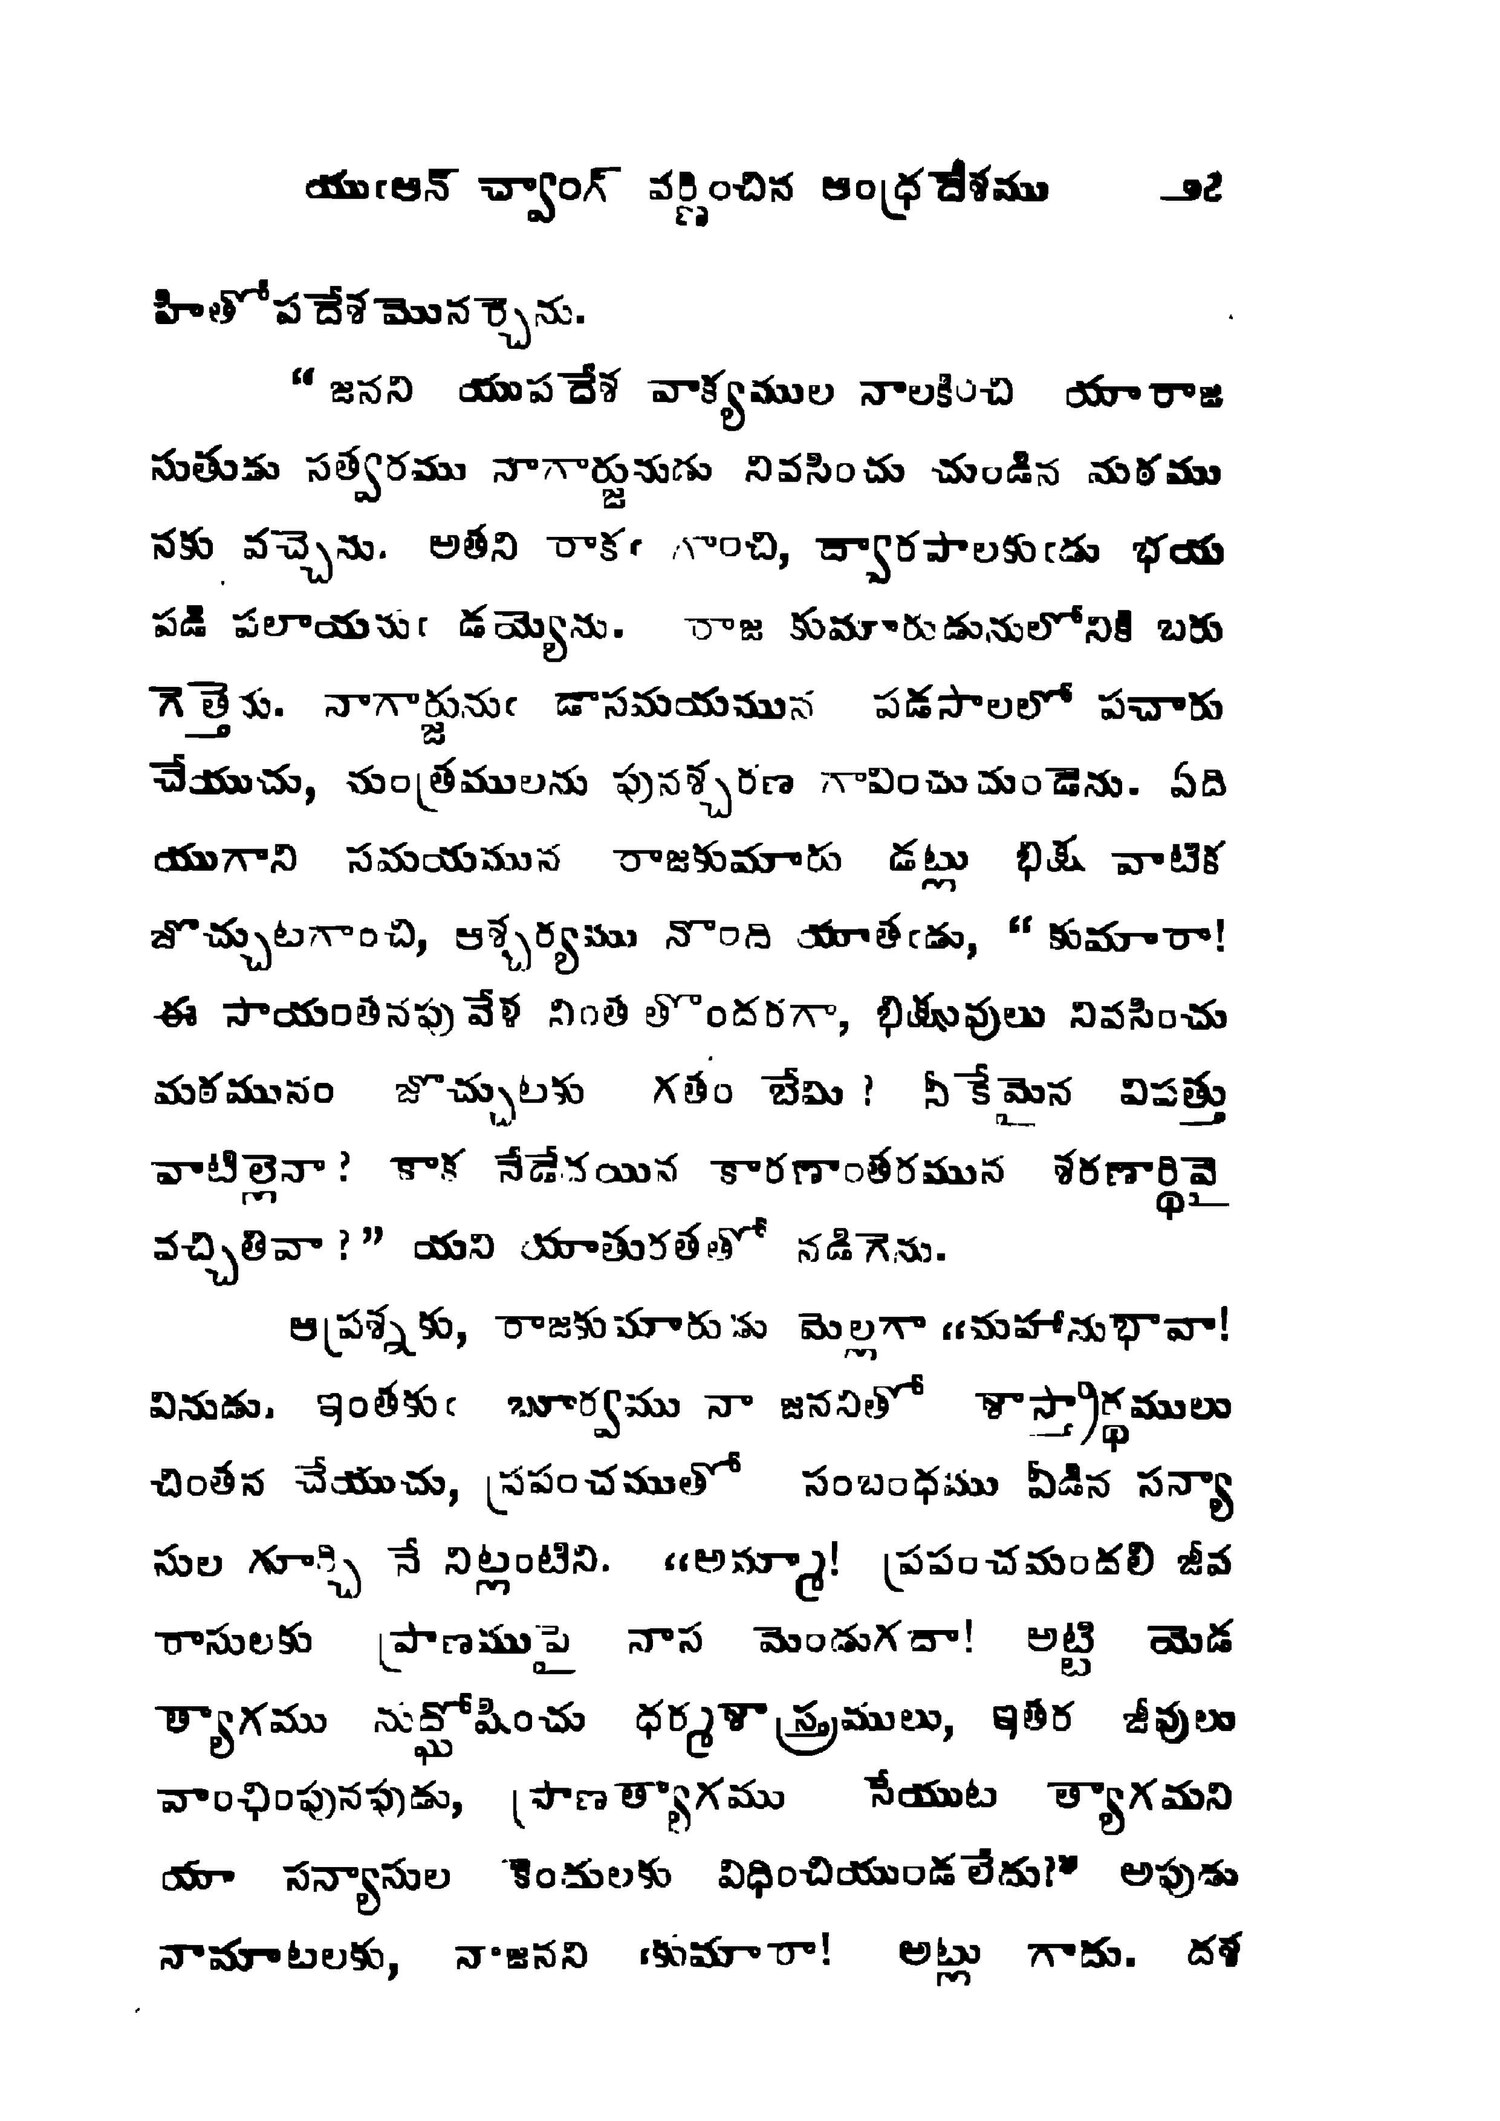హితోపదేశమొనర్చెను.

"జనని యుపదేశ వాక్యముల నాలకించి యారాజ సుతుడు సత్వరము నాగార్జునుడు నివసించు చుండిన మఠమునకు వచ్చెను. అతనిరాక గాంచి, ద్వారపాలకుడు భయపడి పలాయనుడయ్యెను. రాజ కుమారుడును లోనికి బరుగెత్తెను. నాగార్జును డాసమయమున పడసాలలో పచారు చేయుచు, మంత్రములను పునశ్చరణ గావించుచుండెను. ఏదియుగాని సమయమున రాజకుమారు డట్లు భిక్షవాటిక జొచ్చుటగాంచి, ఆశ్చర్యము నొంది యాతడు "కుమారా! ఈ సాయంతనపువేళ నింత తొందరగా, బిక్షువులు నివసించు మఠమునం జొచ్చుటకు గతం బేమి? నీకేమైన విపత్తు వాటిల్లెనా? కాక నేడేదయిన కారంతరమున శరణార్థివై వచ్చితివా?" యని యాతురతతో నడిగెను.

ఆప్రశ్నకు, రాజకుమారుడు మెల్లగా "మహానుభావా! వినుడు. ఇంతకు బూర్వము నాజననితో శాస్త్రార్థములు చింతన చేయుచు, ప్రపంచముతో సంబంధము వీడిన సన్యాసుల గూర్చి నేనిట్లంటిని. "అమ్మా! ప్రపంచమందలి జీవరాసులకు ప్రాణముపై నాస మెండుకదా! అట్టియెడ త్యాగము నుద్ఘోషించు ధర్మశాస్త్రములు, ఇతర జీవులు వాంఛింపునపుడు, ప్రాణత్యాగము సేయుట త్యాగమని యా సన్యాసుల కెందులకు విధించి యుండలేదు?" అపుడు నామాటలకు, నాజనని కుమారా! అట్లు గాదు. దశ